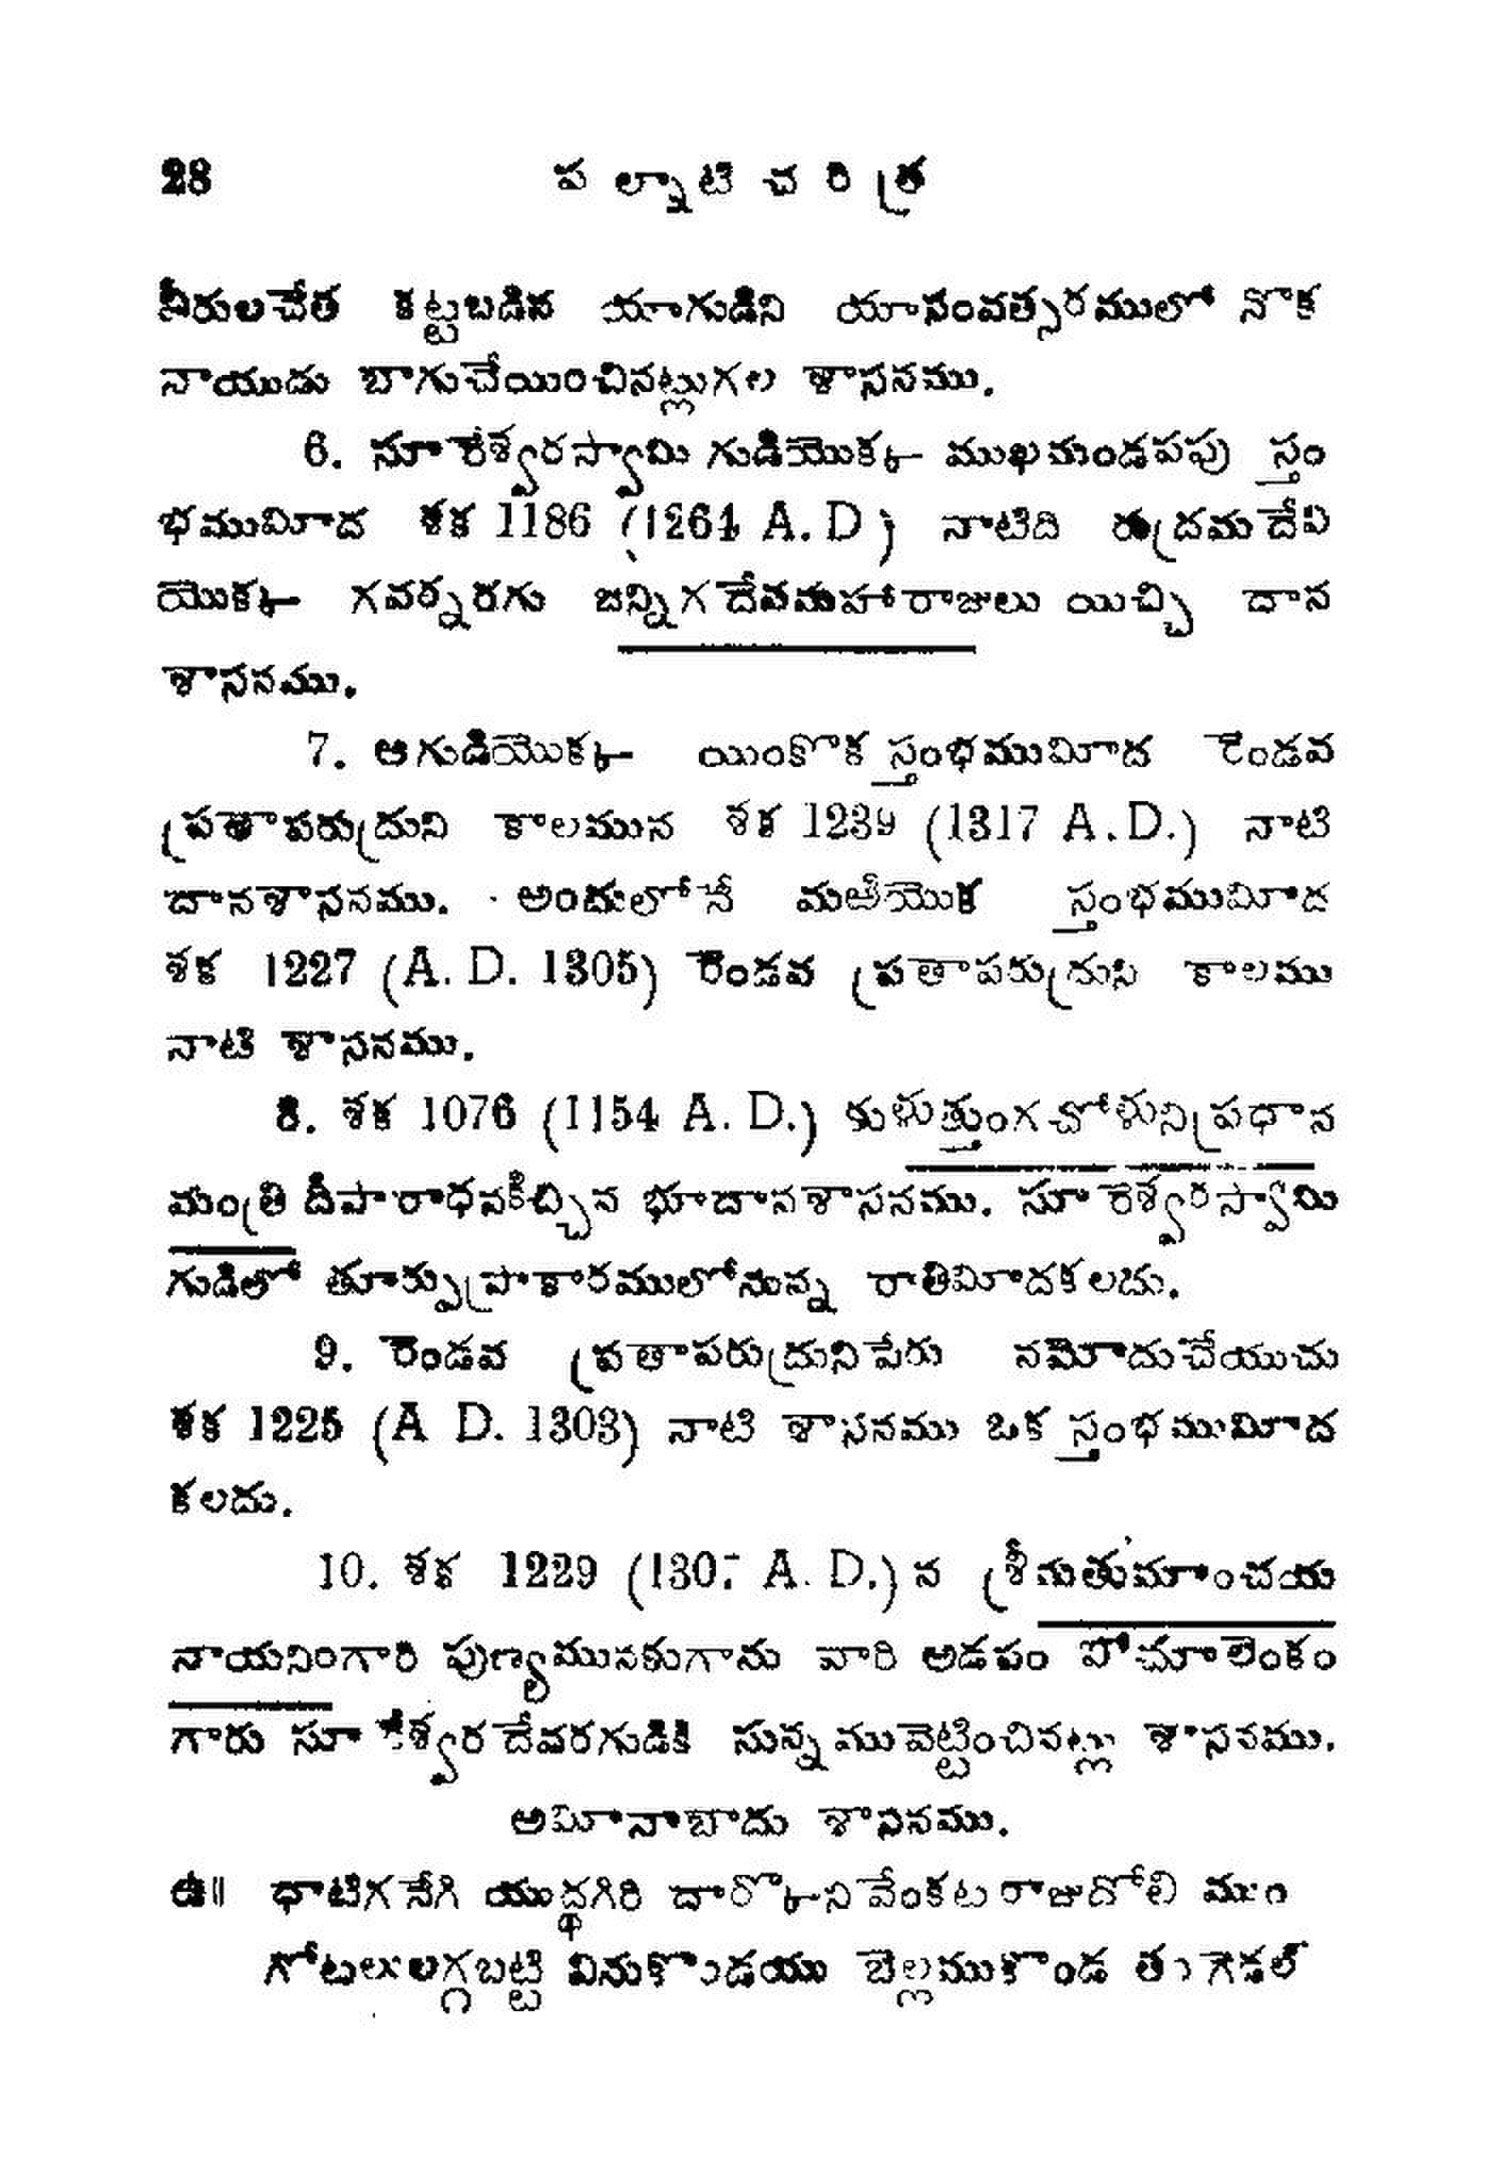వీరులచేత కట్టబడిన యాగుడిని యాసంవత్సరములో నొక
నాయుడు బాగుచేయించినట్లుగల శాసనము,

6. సూరేశ్వరస్వామి గుడియొక్క ముఖమండపపు స్తంభముమీద 
శక 1186 (1261 A.D) నాటిది రుద్రమదేవియొక్క గవర్నరగు 
జన్నిగ దేవమహారాజులు యిచ్చి దాన శాసనము.

7. ఆగుడియొక్క యింకొక స్తంభముమీద రెండవ
ప్రతాపరుద్రుని కాలమున శశ 1239 (1317 A.D.) నాటి
దానశాసనము. అందులోనే మఱియొక స్తంభముమీద
శక 1227 (A. D. 1305) రెండవ ప్రతాపరుద్రుని కాలము
నాటి శాసనము.

8. శశ 1076 (1154 A.D.) కుళుత్తుంగచోళుని ప్రధానమంత్రి 
దీపారాధనకిచ్చిన భూదానశాసనము. సూరేశ్వరస్వామి
గుడిలో తూర్పుప్రాకారములోనున్న రాతిమీదకలదు.

9. రెండవ ప్రతాపరుద్రుని పేరు నమోదు చేయుచు
శక 1225 (A D. 1303) నాటి శాసనము ఒక స్తంభముమీద
కలదు.

10. శక 1229 (1307 A. D.) న శ్రీమతుమాంచయ
నాయనింగారి పుణ్యమునకుగాను వారి అడపం పోచూలెంకంగారు 
సూరేశ్వర దేవరగుడికి సున్నము పెట్టించినట్లు శాసనము.

ఉ॥ ధాటిగ నేగి యుద్ధగిరి దార్కొని వేంకటరాజుదోలి ముం
 గోటలు లగ్గబట్టి వినుకొండయు బెల్లముకొండ తంగెడల్